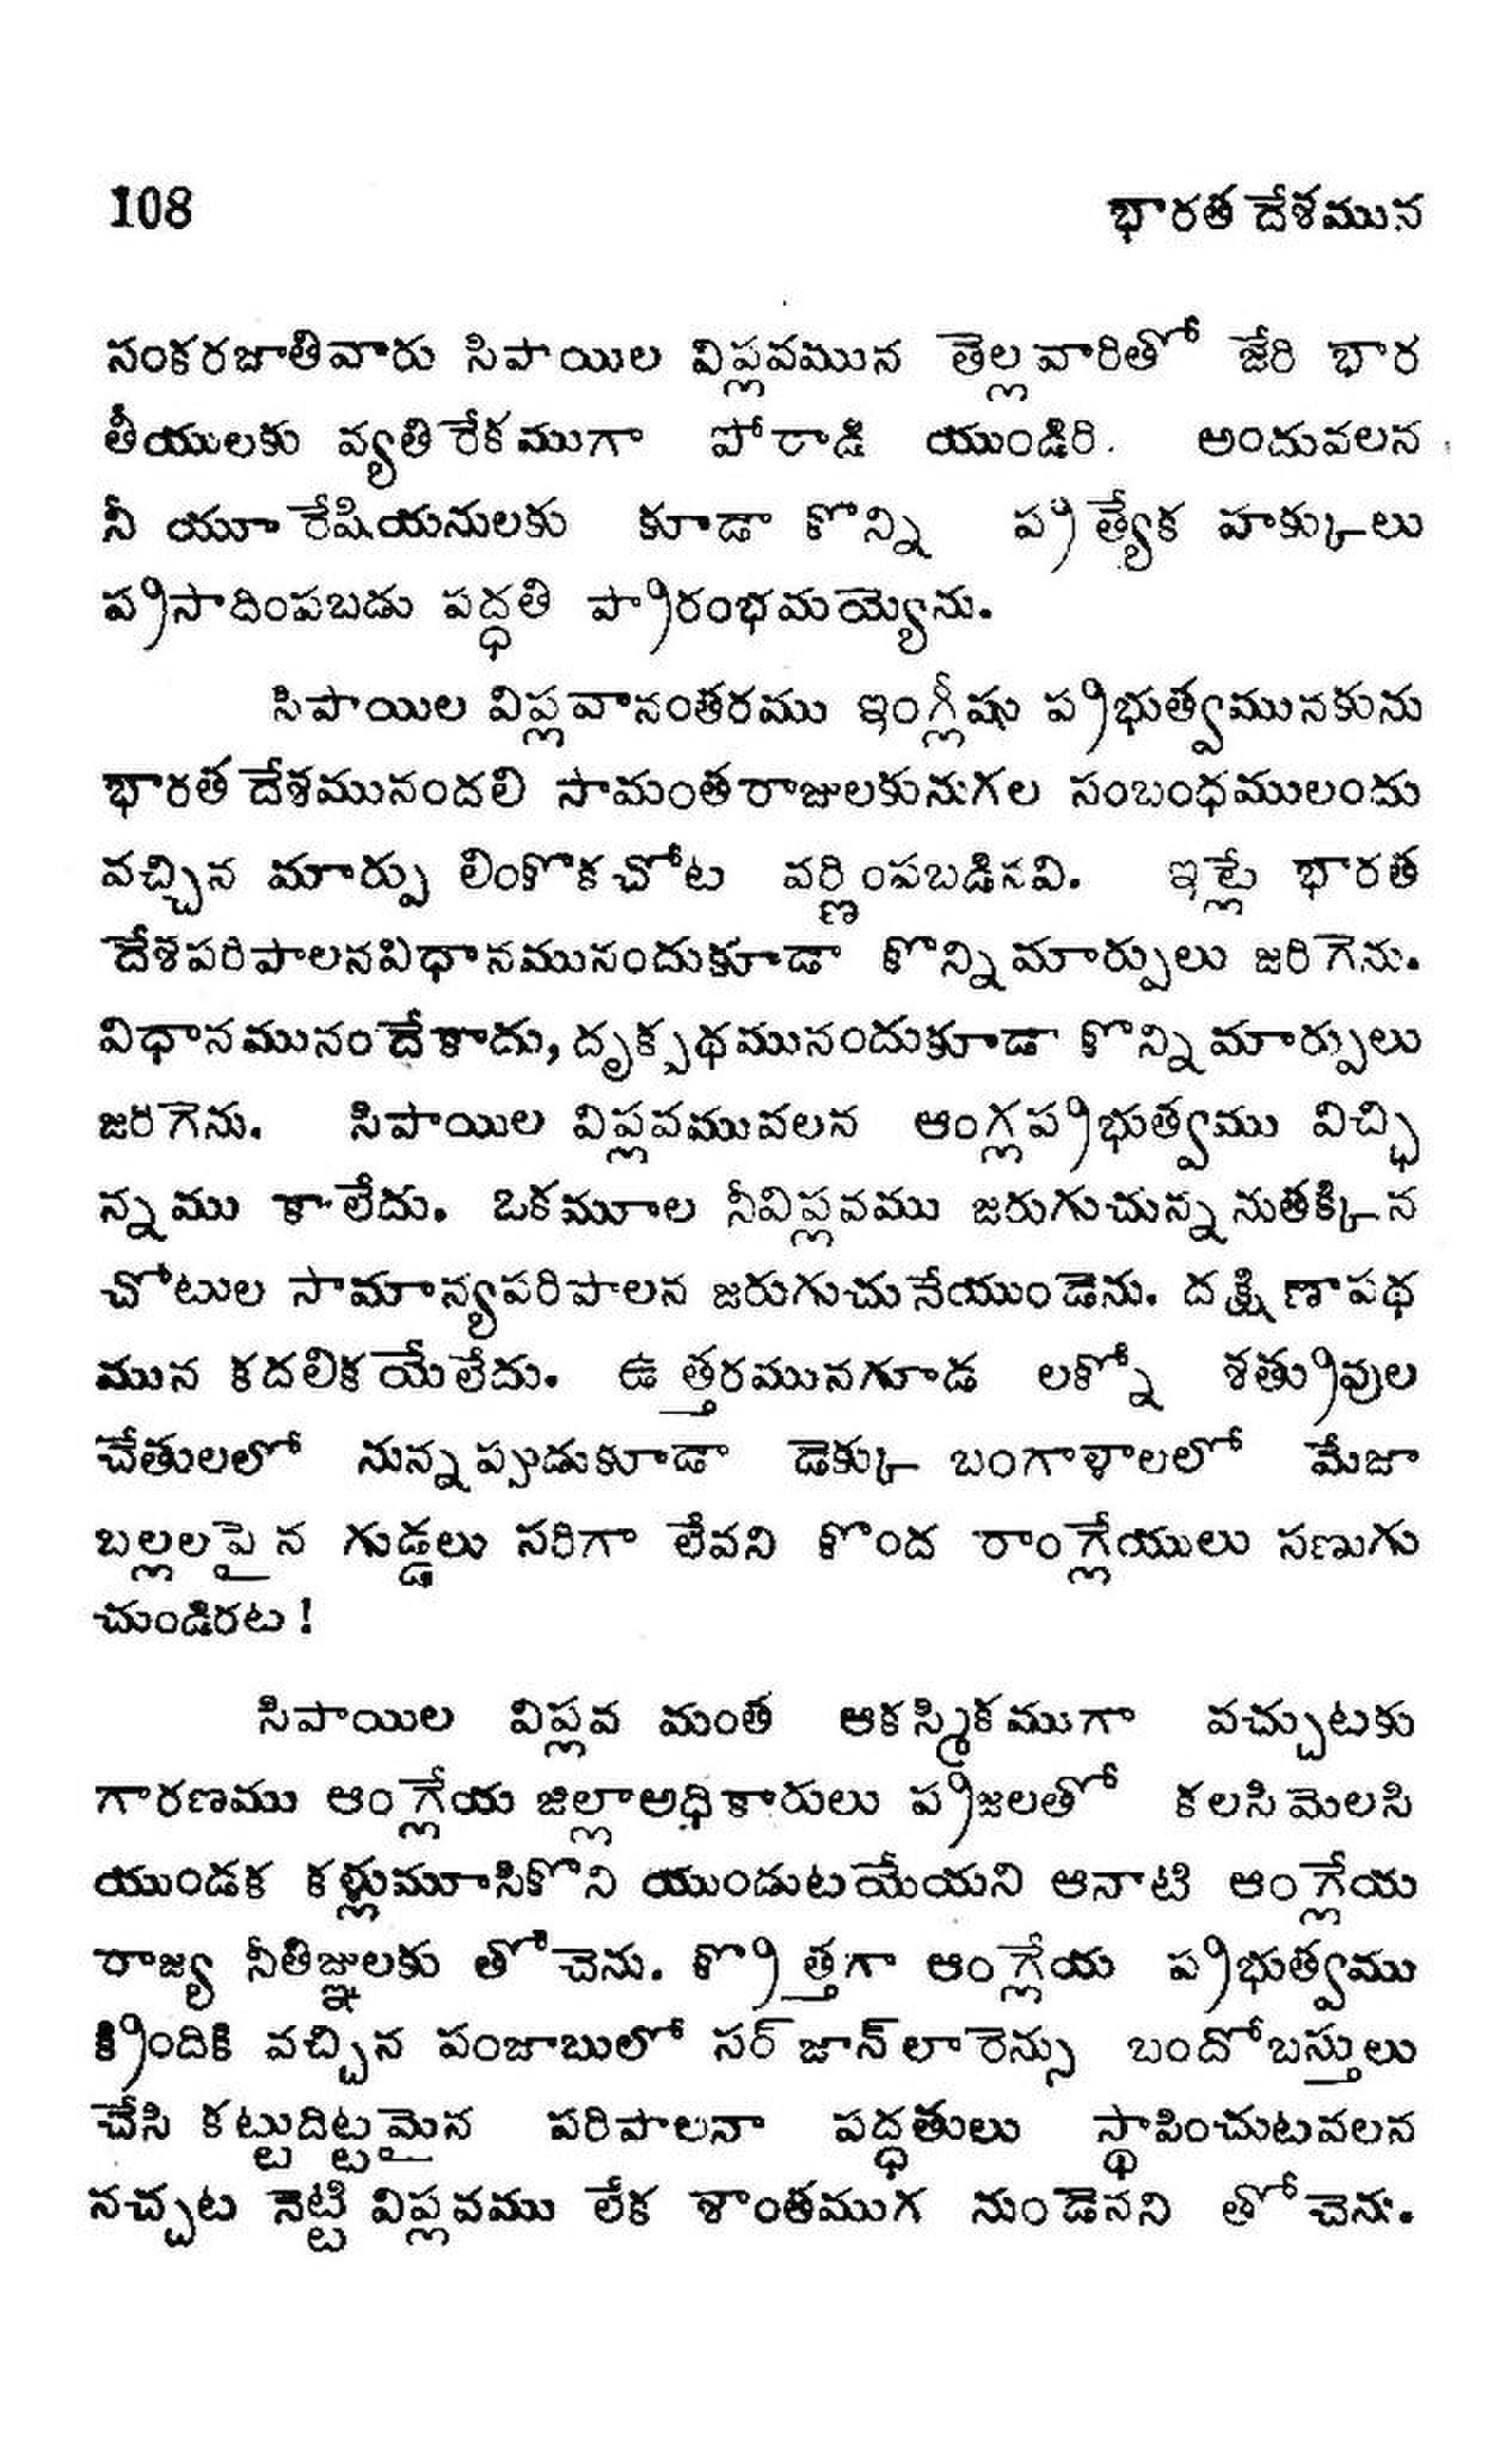సంకరజాతివారు సిపాయిల విప్లవమున తెల్లవారితో జేరి భారతీయులకు వ్యతిరేకముగా పోరాడి యుండిరి. అందువలన నీ యూరేషియనులకు కూడా కొన్ని ప్రత్యేక హక్కులు ప్రసాదింపబడు పద్ధతి ప్రారంభమయ్యెను.

సిపాయిల విప్లవానంతరము ఇంగ్లీషు ప్రభుత్వమునకును భారతదేశమునందలి సామంతరాజులకునుగల సంబంధములందు వచ్చిన మార్పు లింకొక చోట వర్ణింపబడినవి. ఇట్లే భారత దేశపరిపాలన విధానమునందుకూడా కొన్నిమార్పులు జరిగెను. విధానమునందేకాదు, దృక్పథమునందుకూడా కొన్నిమార్పులు జరిగెను. సిపాయిల విప్లవమువలన ఆంగ్లప్రభుత్వము విచ్చిన్నము కాలేదు. ఒకమూల నీవిప్లవము జరుగుచున్ననుతక్కిన చోటుల సామాన్యపరిపాలన జరుగుచునేయుండెను. దక్షిణాపథమున కదలికయే లేదు. ఉత్తరమునగూడ లక్నో శత్రువుల చేతులలో నున్నప్పుడుకూడా డెక్కు బంగాళాలలో మేజా బల్లలపైన గుడ్డలు సరిగా లేవని కొంద రాంగ్లేయులు సణుగు చుండిరట!

సిపాయిల విప్లవ మంత ఆకస్మికముగా వచ్చుటకు గారణము ఆంగ్లేయ జిల్లాఅధికారులు ప్రజలతో కలసిమెలసి యుండక కళ్లుమూసికొని యుండుటయేయని ఆనాటి ఆంగ్లేయ రాజ్య నీతిజ్ఞులకు తోచెను. క్రొత్తగా ఆంగ్లేయ ప్రభుత్వము క్రిందికి వచ్చిన పంజాబులో సర్ జాన్ లారెన్సు బందోబస్తులు చేసి కట్టుదిట్టమైన పరిపాలనా పద్దతులు స్థాపించుటవలన నచ్చట నెట్టి విప్లవము లేక శాంతముగ నుండెనని తోచెను.